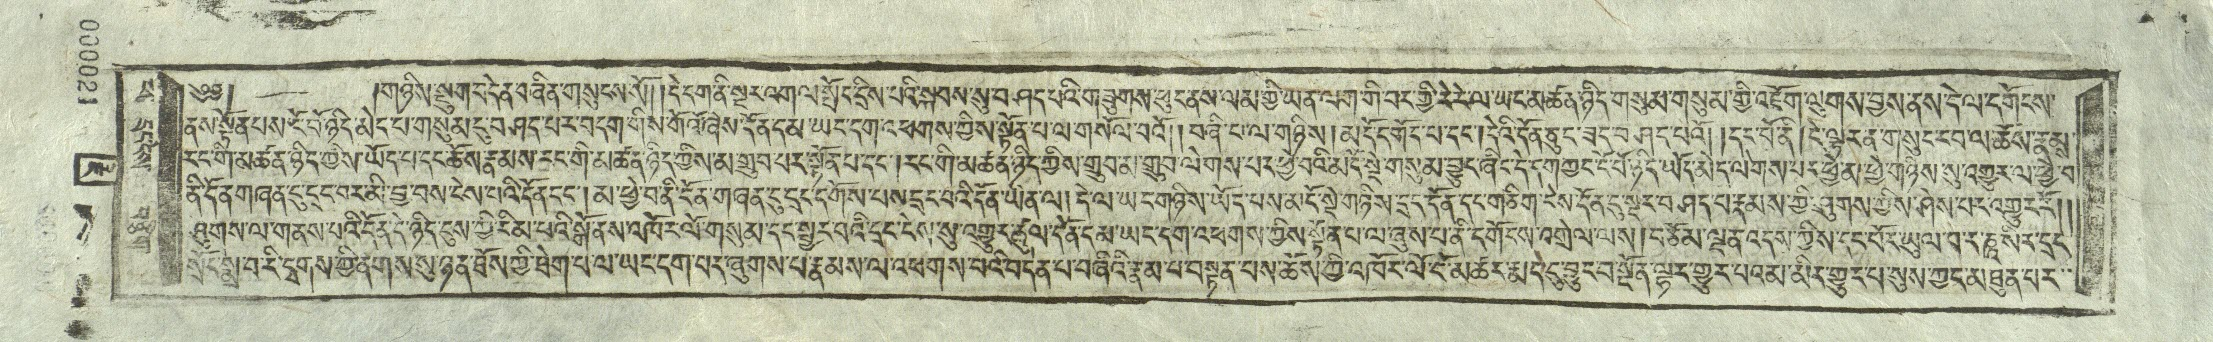༄༅། །གཉིས་སྡུག་བདེན་བཞིན་གསུངས་སོ། །དེ་དག་ནི་སྔར་འགལ་སྤོང་དྲིས་པའི་སྐབས་སུ་བཤད་པའི་གཟུགས་ཕུང་ནས་ལམ་གྱི་ཡན་ལག་གི་བར་གྱི་རེ་རེ་ལ་ཡང་མཚན་ཉིད་གསུམ་གསུམ་གྱི་འཇོག་ལུགས་བྱས་ནས་དེ་ལ་དགོངས་
ནས་སྟོན་པས་ངོ་བོ་ཉིད་མེད་པ་གསུམ་དུ་བཤད་པར་བདག་གིས་གོའོ་ཞེས་དོན་དམ་ཡང་དག་འཕགས་ཀྱིས་སྟོན་པ་ལ་གསོལ་བའོ། །བཞི་པ་ལ་གཉིས། མདོ་དགོད་པ་དང་། དེའི་དོན་ཅུང་ཟད་བཤད་པའོ། །དང་པོ་ནི། དེ་ལྟར་ན་གསུང་རབ་ལ་ཆོས་རྣམས་
རང་གི་མཚན་ཉིད་ཀྱིས་ཡོད་པ་དང་ཆོས་རྣམས་རང་གི་མཚན་ཉིད་ཀྱིས་མ་གྲུབ་པར་སྟོན་པ་དང་། རང་གི་མཚན་ཉིད་ཀྱིས་གྲུབ་མ་གྲུབ་ལེགས་པར་ཕྱེ་བའི་མདོ་སྡེ་གསུམ་བྱུང་ཞིང་དེ་དག་ཀྱང་ངོ་བོ་ཉིད་ཡེད་མེད་ལེགས་པར་ཕྱེ་མ་ཕྱེ་གཉིས་སུ་འགྱུར་ལ་ཕྱེ་བ་
ནི་དོན་གཞན་དུ་དྲང་བར་མི་བྱ་བས་ངེས་པའི་དོན་དང་། མ་ཕྱེ་བ་ནི་དོན་གཞན་དུ་དྲང་དགོས་པས་དྲང་བའི་དོན་ཡིན་ལ། དེ་ལ་ཡང་གཉིས་ཡོད་པས་མདོ་སྡེ་གཉིས་དྲང་དོན་དང་གཅིག་ངེས་དོན་དུ་སྔར་བཤད་པ་རྣམས་ཀྱི་ཤུགས་ཀྱིས་ཤེས་པར་འགྱུར་རོ། །
ཤུགས་ལ་གནས་པའི་དོན་དེ་ཉིད་དུས་ཀྱི་རིམ་པའི་སྒོ་ནས་འཁོར་ལོ་གསུམ་དང་སྦྱར་བའི་དྲང་ངེས་སུ་འགྱུར་ཆུལ་དོན་དམ་ཡང་དག་འཕགས་ཀྱིས་སྟོན་པ་ལ་ཞུས་པ་ནི་དགོངས་འགྲེལ་ལས། བཅོམ་ལྡན་འདས་ཀྱིས་དང་པོར་ཡུལ་བ་ར་ཎཱ་སིར་དྲང་
སྲོང་སྨྲ་བ་རི་དྭགས་ཀྱི་ནགས་སུ་ཉན་ཐོས་ཀྱི་ཐེག་པ་ལ་ཡང་དག་པར་ཞུགས་པ་རྣམས་ལ་འཕགས་པའི་བདེན་པ་བཞིའི་རྣམ་པ་བསྟན་པས་ཆོས་ཀྱི་འཁོར་ལོ་ངོ་མཚར་རྨད་དུ་བྱུང་བ་སྔོན་ལྷར་གྱུར་པའམ་མིར་གྱུར་པ་སུས་ཀྱང་མཐུན་པར་